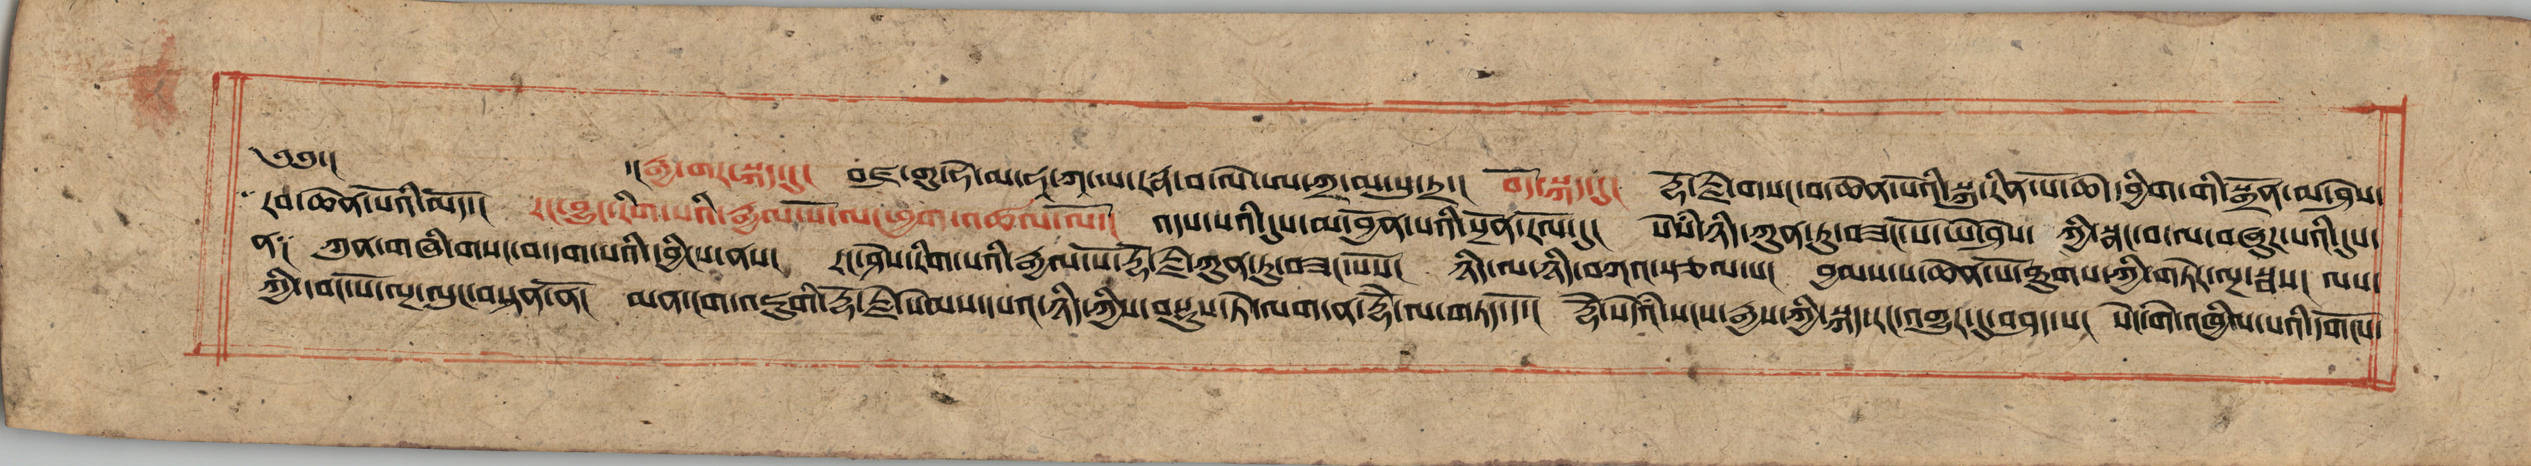༄༅་། ་།རྒྱ་གར་སྐད་དུ། བཛྲ་གུ་ཧེ་མ་ཧ་ཀ་ཡ་རཏྣ་བ་ལེ་ཨ་ཀྲ་མ་སུ་ཏྲ་། བོད་སྐད་དུ། རྡོ་རྗེ་གསང་བ་ཆེན་པོའི་སྐུ་རིན་པོ་ཆེ་དབྱིག་གི་སྒྲོན་མ་ཤེས་
རབ་ཆེན་པོའི་མདོ་། རང་བྱུང་རིག་པའི་རྒྱལ་པོ་ལ་ཕྱག་འཚལ་ལོ་། འདས་པའི་དུས་མ་བྱོན་པའི་སྔོན་རོལ་དུ་། སེཾས་ཉིད་ཀུན་ཏུ་བཟང་པོ་ཡེ་ཤེས་ ཀྱི་སྣང་བ་ལ་བཞུཌ་པའི་དུས་
ན༑ ཀུན་གཞི་གསང་བ་དག་པའི་དབྱིངས་ནས་། རང་ཤེས་རིག་པའི་རྒྱལ་པོ་རྡོ་རྗེ་ཀུན་ཏུ་བཟང་པོས། ཉི་མ་ཉིད་བཀའ་སྩལ་པ་། བྱམས་པ་ཆེན་པོ་ཐུགས་ཀྱི་གཏེར་ལྔ་སྦས། ལས་
ཀྱི་དབང་པོ་ལྔ་ལུང་བསྟན་ནོ། མན་ངག་འཇུགི་རྡོ་རྗེ་སེམས་དཔའ་ཉིད་ཀྱིས་བསྡུས་ཏེ་ལག་ན་རྡོ་རྗེ་ལ་གཏད་དོ་། རྡོེ་སེདཾའ་སངས་རྒྱས་ཀྱི་སྐད་རང་འགྱུར་དུ་བཤད་། སེང་གེ་འཁྱིལ་པའི་དགོངས་